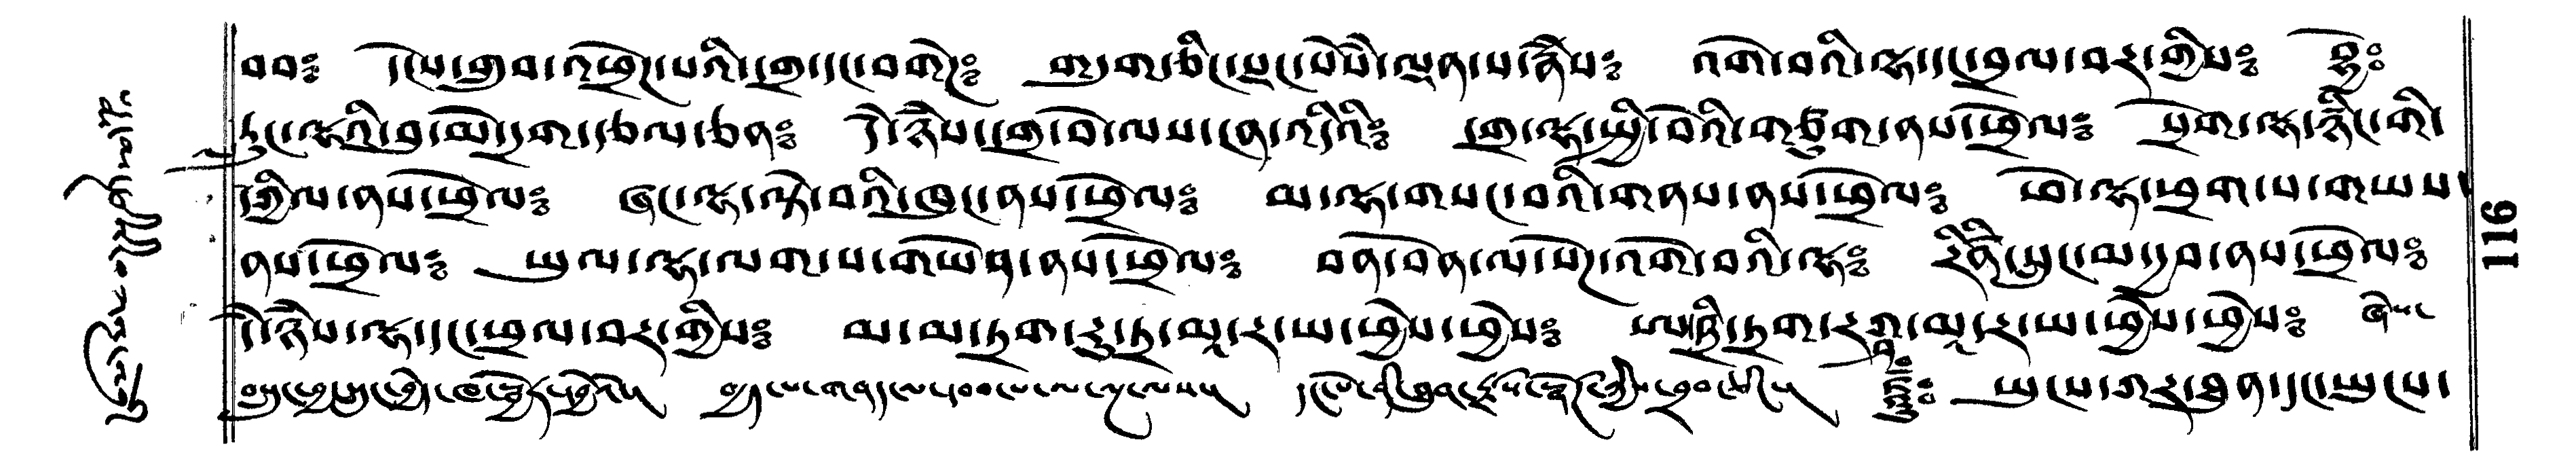བབ༔ དངོས་གྲུབ་འཕྲོག་པའི་དགྲ་དང་བགེགས༔ གདུག་ཅིང་སྡང་སེམས་ལྡན་པ་རྣམས༔ འགོ་བའི་ལྷ་དང་བྲལ་བར་གྱིས༔ བྷྱོ༔ 
རླུང་ལྷའི་བུ་མོ་དྲག་རྩལ་ཅན༔ དམ་ཉམས་དགྲ་བོ་ལས་ངན་འདིའི༔ དགྲ་ལྷ་སྤྱི་བོའི་གཙུག་ནས་ཕྲོལ༔ སྲོག་ལྷ་སྙིང་གི་
དཀྱིལ་ནས་ཕྲོལ༔ ཞང་ལྷ་ལྟེ་བའི་ཁུང་ནས་ཕྲོལ༔ མ་ལྷ་གསང་བའི་གནས་ནས་ཕྲོལ༔ ཕོ་ལྷ་ཕྲག་པ་གཡས་
ནས་ཕྲོལ༔ ཡུལ་ལྷ་ལག་པ་གཡོན་ནས་ཕྲོལ༔ བན་བོན་ལ་སོགས་འགོ་བའི་ལྷ༔ རིག་འཛིན་སྲུང་མ་རྒྱབ་ནས་ཕྲོལ༔ 
དམ་ཉམས་ལྷ་དང་ཕྲལ་བར་གྱིས༔ མ་མ་ཏྲག་རུ་ཏྲ་མཱ་ར་ཡ་ཕྱེས་ཕྱེས༔ ཨ་ནྲི་ཏྲག་རཀྴ་མཱ་ར་ཡ་ཕྱེས་ཕྱེས༔ ཞེས་
བསྲུང་བྱ་སྲུང་བྱེད་ཁ་སྦྱར་དབྱེའོ། བརྒྱད་པ་གནད་ལ་དབབ་པ་ལ་ལྔ་ལས། དང་པོ་ནི་ཐུན་རྫས་སྣ་ཚོགས་ཀྱིས་བྲབ་ཅིང་། ཧཱུྃ༔ ཡུངས་ཀར་ཐུན་དང་ཡུངས་